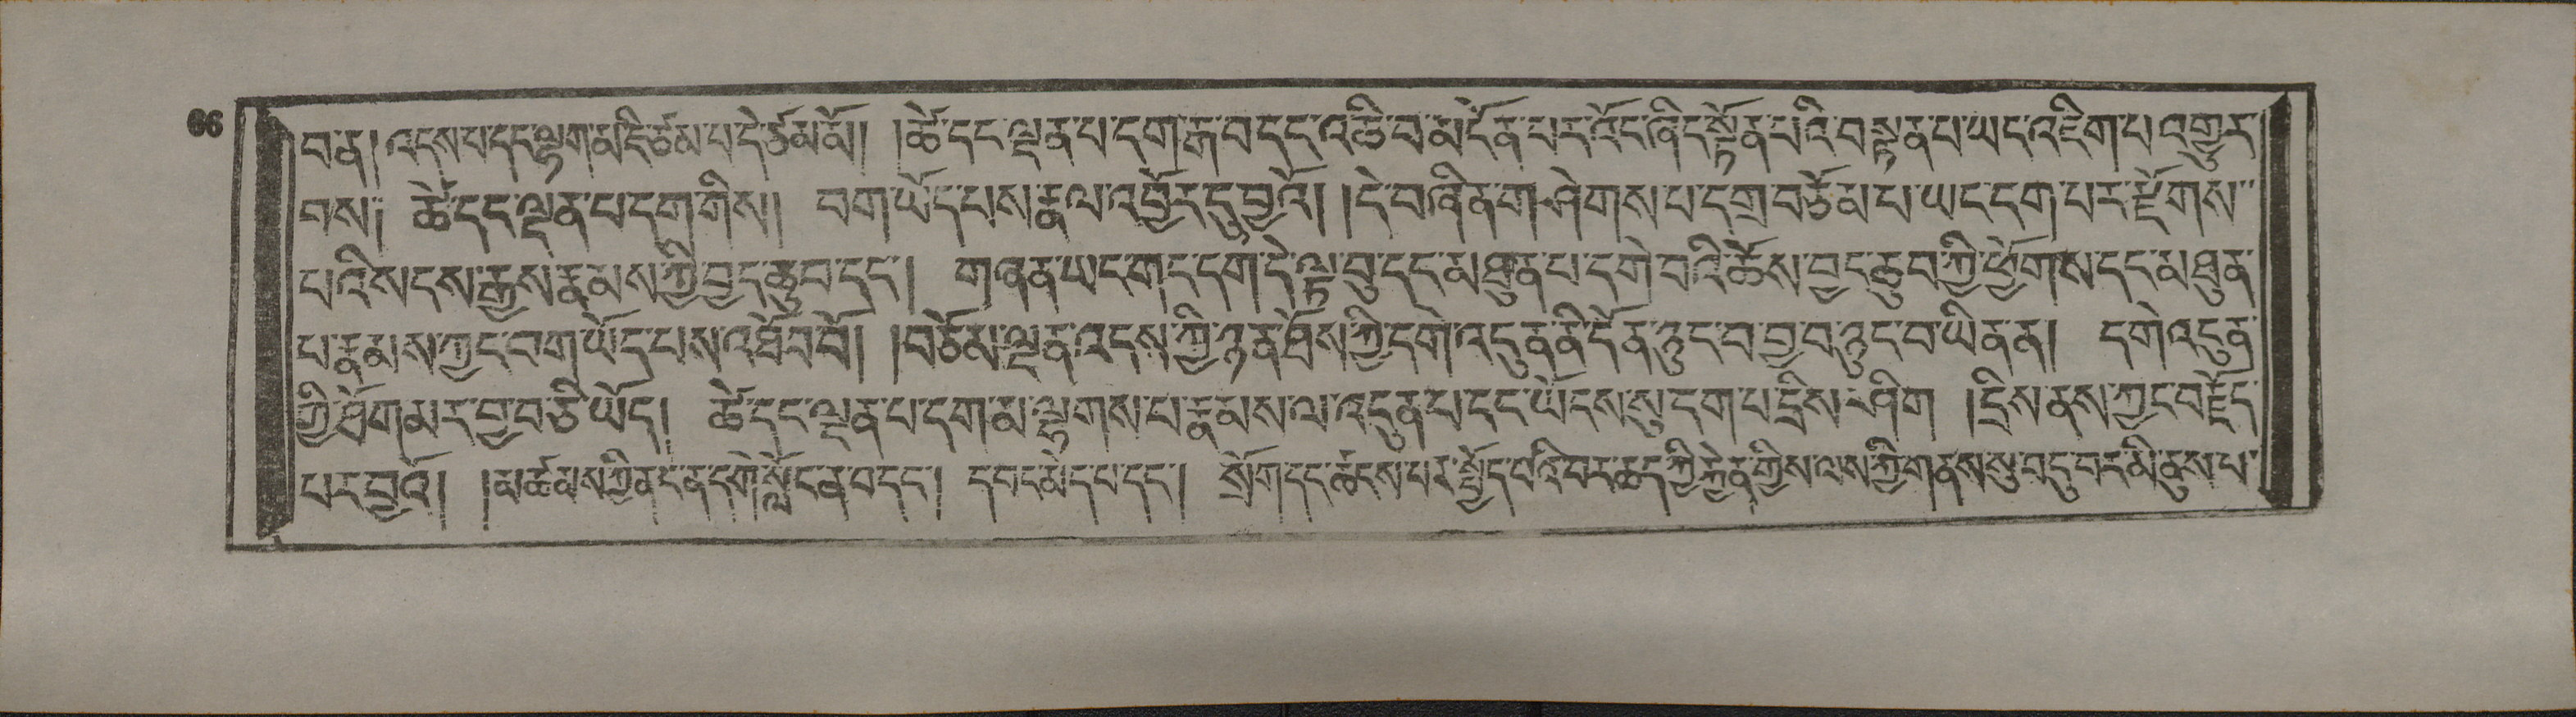བ་ན། འདས་པ་དང་ལྷག་མ་ཇི་ཙམ་པ་དེ་ཙམ་མོ།  །ཚེ་དང་ལྡན་པ་དག་རྒ་བ་དང་འཆི་བ་མངོན་པར་འོང་ཞིང་སྟོན་པའི་བསྟན་པ་ཡང་འཇིག་པ་འགྱུར་
བས། ཚེ་དང་ལྡན་པ་དག་གིས། བག་ཡོད་པས་རྣལ་འབྱོར་དུ་བྱའོ། །དེ་བཞིན་གཤེགས་པ་དགྲ་བཅོམ་པ་ཡང་དག་པར་རྫོགས་
པའི་སངས་རྒྱས་རྣམས་ཀྱི་བྱང་ཆུབ་དང་། གཞན་ཡང་གང་དག་དེ་ལྟ་བུ་དང་མཐུན་པ་དགེ་བའི་ཆོས་བྱང་ཆུབ་ཀྱི་ཕྱོགས་དང་མཐུན་
པ་རྣམས་ཀྱང་བག་ཡོད་པས་འཐོབ་བོ། །བཅོམ་ལྡན་འདས་ཀྱི་ཉན་ཐོས་ཀྱི་དགེ་འདུན་ནི་དོན་ཉུང་བ་བྱ་བ་ཉུང་བ་ཡིན་ན། དགེ་འདུན་
གྱི་ཐོག་མར་བྱ་བ་ཅི་ཡོད། ཚེ་དང་ལྡན་པ་དག་མ་ལྷགས་པ་རྣམས་ལ་འདུན་པ་དང་ཡོངས་སུ་དག་པ་དྲིས་ཤིག །དྲིས་ནས་ཀྱང་བརྗོད་
པར་བྱའོ། །མཚམས་ཀྱི་ནང་ན་དགེ་སློང་ན་བ་དང་། དབང་མེད་པ་དང་། སྲོག་དང་ཚངས་པར་སྤྱོད་པའི་བར་ཆད་ཀྱི་རྐྱེན་གྱིས་ལས་ཀྱི་གནས་སུ་བདུ་བར་མི་ནུས་པ་